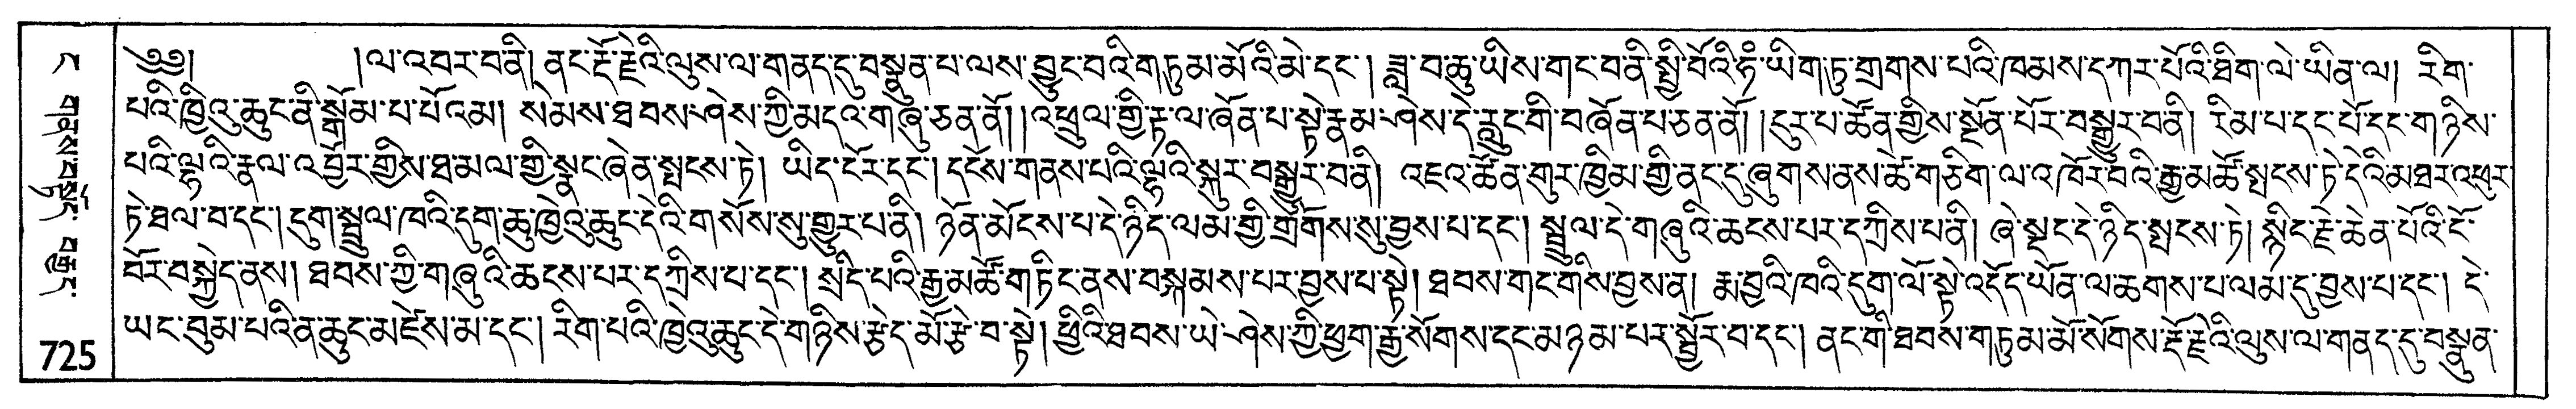༄༅། །ལ་འབར་བ་ནི། ནང་རྡོ་རྗེའི་ལུས་ལ་གནད་དུ་བསྣུན་པ་ལས་བྱུང་བའི་གཏུམ་མོའི་མེ་དང་། ཟླ་བ་ཆུ་ཡིས་གང་བ་ནི་སྤྱི་བོའི་ཧཾ་ཡིག་ཏུ་གྲགས་པའི་ཁམས་དཀར་པོའི་ཐིག་ལེ་ཡིན་ལ། རིག་
པའི་ཁྱིའུ་ཆུང་ནི་སྒོམ་པ་པོའམ། སེམས་ཐབས་ཤེས་ཀྱི་མདའ་གཞུ་ཅན་ནོ། །འཕྲུལ་གྱི་རྟ་ལ་ཞོན་པ་སྟེ་རྣམ་ཤེས་དེ་རླུང་གི་བཞོན་པ་ཅན་ནོ། །ངུར་པ་ཚོན་གྱིས་སྔོན་པོར་བསྒྱུར་བ་ནི། རིམ་པ་དང་པོ་དང་གཉིས་
པའི་ལྷའི་རྣལ་འབྱོར་གྱིས་ཐ་མལ་གྱི་སྣང་ཞེན་སྤངས་ཏེ། ཡིད་ངོར་དང་། དངོས་གནས་པའི་ལྷའི་སྐུར་བསྒྱུར་བ་ནི། འཇའ་ཚོན་གུར་ཁྱིམ་གྱི་ནང་དུ་ཞུགས་ནས་ཚེ་གཅིག་ལ་འཁོར་བའི་རྒྱ་མཚོ་སྤངས་ཏེ་དེའི་མཐར་འཕུར་
ཏེ་ཐལ་བ་དང་། དུག་སྦྲུལ་ཁའི་དུག་ཆུ་ཁྱེའུ་ཆུང་དེའི་གསོས་སུ་གྱུར་པ་ནི། ཉོན་མོངས་པ་དེ་ཉིད་ལམ་གྱི་གྲོགས་སུ་བྱས་པ་དང་། སྦྲུལ་དེ་གཞུའི་ཆངས་པར་དཀྲིས་པ་ནི། ཞེ་སྡང་དེ་ཉིད་སྤངས་ཏེ། སྙིང་རྗེ་ཆེན་པོའི་ངོ་
བོར་བསྐྱེད་ནས། ཐབས་ཀྱི་གཞུའི་ཆངས་པར་དཀྲིས་པ་དང་། སྲིད་པའི་རྒྱ་མཚོ་གཏིང་ནས་བསྐམས་པར་བྱས་པ་སྟེ། ཐབས་གང་གིས་བྱས་ན། རྨ་བྱའི་ཁའི་དུག་ལོ་སྟེ་འདོད་ཡོན་ལ་ཆགས་པ་ལམ་དུ་བྱས་པ་དང་། དེ་
ཡང་བུམ་པའི་ན་ཆུང་མཛེས་མ་དང་། རིག་པའི་ཁྱེའུ་ཆུང་དེ་གཉིས་རྩེད་མོ་རྩེ་བ་སྟེ། ཕྱིའི་ཐབས་ཡེ་ཤེས་ཀྱི་ཕྱག་རྒྱ་སོགས་དང་མཉམ་པར་སྦྱོར་བ་དང་། ནང་གི་ཐབས་གཏུམ་མོ་སོགས་རྡོ་རྗེའི་ལུས་ལ་གནད་དུ་བསྣུན་